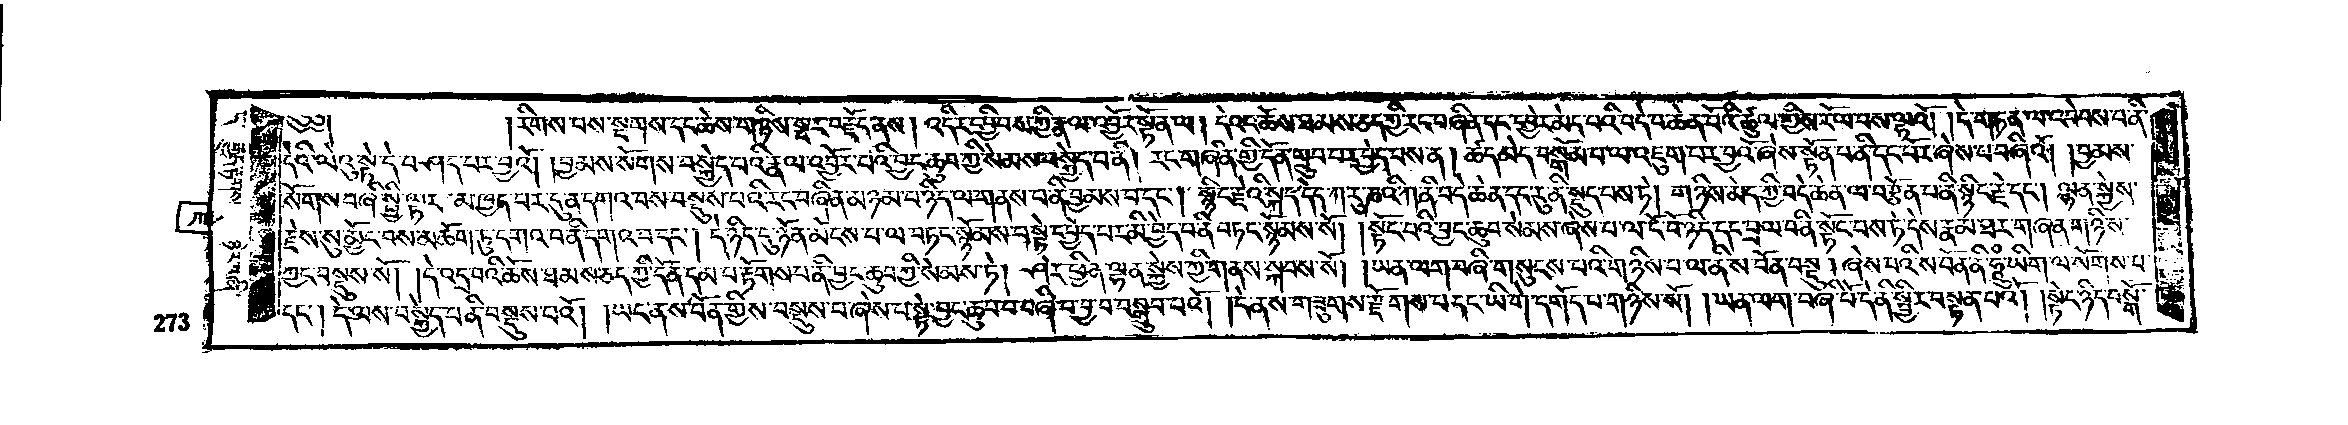༄༅། །རིགས་པས་སྔགས་དང་ཆེས་གཉིས་སྔར་བརྗོད་ནས། འདིར་དབྱིབས་ཀྱི་རྣལ་འབྱོར་སྟོན་ལ། དེའང་ཆོས་ཐམས་ཅད་ཀྱི་རང་བཞིན་དང་དབྱེར་མེད་པའི་བདེ་བ་ཆེན་པོའི་ཚུལ་གྱིས་རོལ་བས་ལྷའོ། །དེ་གཏན་ལ་འབེབས་པ་ནི་
དེའི་ལེའུ་སྟེ་དེ་བཤད་པར་བྱའོ། །བྱམས་སོགས་བསྐྱེད་པའི་རྣལ་འབྱོར་པའི་བྱང་ཆུབ་ཀྱི་སེམས་བསྐྱེད་པ་ནི། རང་གཞིན་གྱི་དོན་གྲུབ་པར་བྱེད་པས་ན། ཚད་མེད་བསྒོམ་པ་ལ་འཇུག་པར་བྱའོ་ཞེས་སྟོན་པ་ནི་དང་པོར་ཞེས་པ་བཞིའོ། །བྱམས་
སོགས་བཞི་སྤྱི་ལྟར་མ་ཁྱད་པར་དུ་ན་དགའ་བས་བསྡུས་པའི་རང་བཞིན་མཉམ་པ་ཉིད་ལ་གནས་པ་ནི་བྱམས་པ་དང་། སྙིང་རྗེའི་སྐད་དེད་ཀ་རུ་ཎའི་ཀ་ནི་བདེ་ཆེན་དང་རུ་ནི་སྡུད་པས་ཏེ། གཉིས་མེད་ཀྱི་བདེ་ཆེན་ལ་བརྩོན་པ་ནི་སྙིང་རྗེ་དང་། ལྷན་སྐྱེས་
རྗེས་སུ་མྱོང་བས་མཆོག་ཏུ་དགའ་བ་ནི་དགའ་བ་དང་། དེ་ཉིད་དུ་ཉོན་མོངས་པ་ལ་བཏང་སྙོམས་བསྟེ་དཔྱོད་?་པར་མི་བྱེད་པ་ནི་བཏང་སྙོམས་སོ། །སྟོང་པའི་བྱང་ཆུབ་སེམས་ཞེས་པ་ལ་ངོ་བོ་ཉིད་དང་བྲལ་བ་ནི་སྟོང་པས་ཏེ་དེས་རྣམ་ཐར་གཞན་གཉིས་
ཀྱང་བསྡུས་སོ། །དེ་འདྲ་བའི་ཆོས་ཐམས་ཅད་ཀྱི་དོན་དམ་པ་རྟོགས་པ་ནི་བྱང་ཆུབ་ཀྱི་སེམས་ཏེ། ཤེར་ཕྱིན་ལྷན་སྐྱེས་ཀྱི་གནས་སྐབས་སོ། །ཡན་ལག་བཞི་གསུངས་པའི་གཉིས་པ་ལ་ནི་ས་བོན་བསྡུ། ཞེས་པའི་ས་བོན་ནི་ཧཱུཾ་ཡིག་ལ་སོགས་པ་
དང་། དེ་ལས་བསྐྱེད་པ་ནི་བསྡུས་པའོ། །ཡང་ན་ས་བོན་གྱིས་བསྡུས་པ་ཞེས་པ་སྟེ་བྱང་ཆུབ་པ་བཞི་པ་བྱ་བ་བསྒྲུབ་པའོ། །དེ་ནས་གཟུགས་རྫོགས་པ་དང་ཡི་གེ་དགོད་པ་གཉིས་སོ། །ཡན་ལག་བཞི་པོ་དེ་ནི་སྤྱིར་བསྟན་པའོ། །སྟེང་ཉིད་བསྒོ་